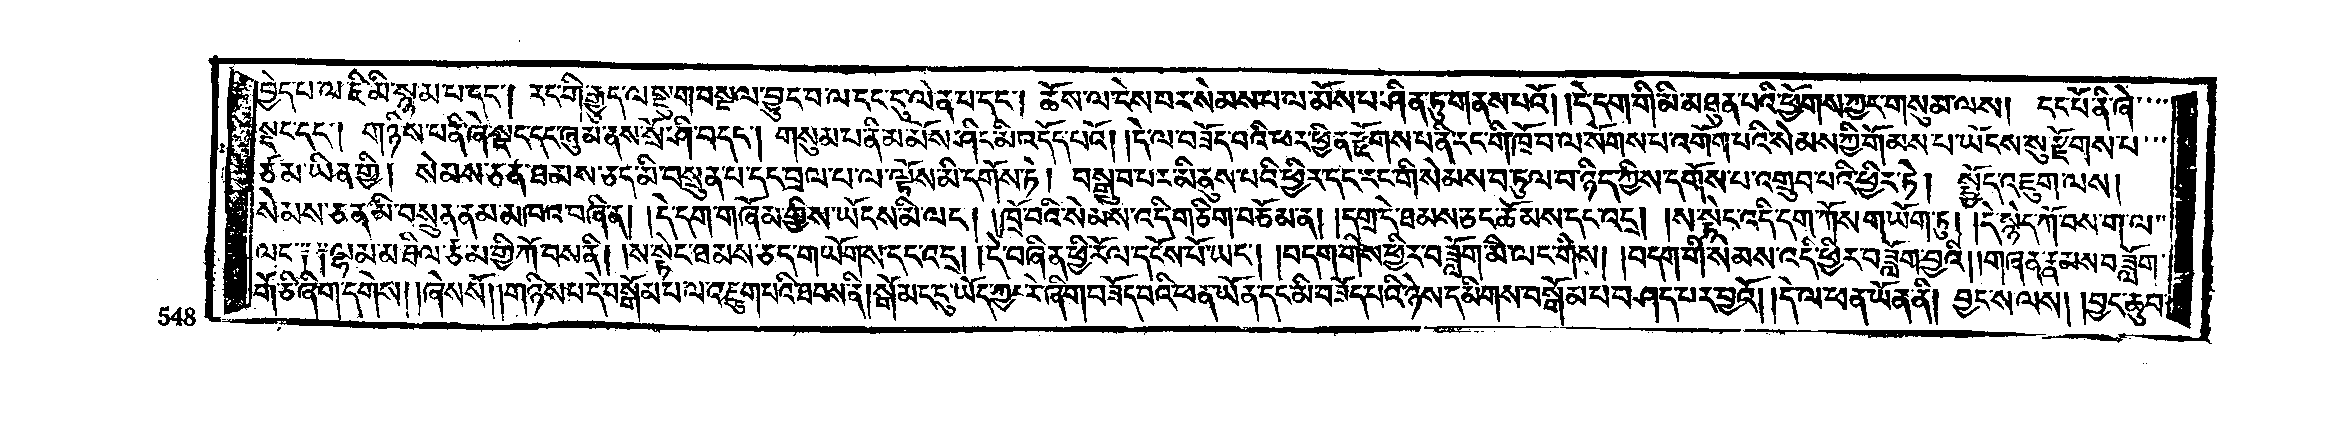བྱེད་པ་ལ་ཇི་མི་སྙམ་པ་དང་། རང་གི་རྒྱུད་ལ་སྡུག་བསྔལ་བྱུང་བ་ལ་དང་དུ་ལེན་པ་དང་། ཆོས་ལ་ངེས་པར་སེམས་བ་ལ་མོས་པ་ཤིན་ཏུ་གནས་པའོ། །དེ་དག་གི་མི་མཐུན་པའི་ཕྱོགས་ཀྱང་གསུམ་ལས། དང་པོ་ནི་ཞེ་
སྡང་དང་། གཉིས་པ་ནི་ཞེ་སྡང་དང་ཞུམ་ནས་སྲོ་ཤི་བ་དང་། གསུམ་པ་ནི་མ་མོས་ཤིང་མི་འདོད་པའོ། །དེ་ལ་བཟོད་པའི་ཕར་ཕྱིར་རྫོགས་པ་ནི་རང་གི་ཁྲོ་བ་ལ་སོགས་པ་འགོག་པའི་སེམས་ཀྱི་གོམས་པ་ཡོངས་སུ་རྫོགས་པ་
ཙམ་ཡིན་གྱི། སེམས་ཅན་ཐམས་ཅད་མི་བསྲུན་པ་དང་བྲལ་བ་ལ་ལྟོས་མི་དགོས་ཏེ། བསྒྲུབ་པར་མི་ནུས་པའི་ཕྱིར་དང་རང་གི་སེམས་བཏུལ་བ་ཉིད་ཀྱིས་དགོས་པ་འགྲུབ་པའི་ཕྱིར་ཏེ། སྤྱོད་འཇུག་ལས།
སེམས་ཅན་མི་བསྲུན་ནམ་མཁའ་བཞིན། །དེ་དག་གཞོམ་གྱིས་ཡོངས་མི་ལང་། །ཁྲོ་བའི་སེམས་འདི་གཅིག་བཅོམ་ན། །དགྲ་དེ་ཐམས་ཅད་ཆོམས་དང་འདྲ། །ས་སྟེང་འདི་དག་ཀོས་གཡོག་ཏུ། །དེ་སྙེད་ཀོ་བས་ག་ལ་
ལང༑ ༑ལྷམ་མཐིལ་ཙམ་གྱི་ཀོ་བས་ནི། །ས་སྟེང་ཐམས་ཅད་གཡོགས་དང་འདྲ། །དེ་བཞིན་ཕྱི་རོལ་དངོས་པོ་ཡང་། །བདག་གིས་ཕྱིར་བཟློག་མི་ལང་གིས། །བདག་གི་སེམས་འདི་ཕྱིར་བཟློག་བྱའི། །གཞན་རྣམས་བཟློག་
གོ་ཅི་ཞིག་དགོས། །ཞེས་སོ། །གཉིས་པ་དེ་བསྒོམ་པ་ལ་འཇུག་པའི་ཐབས་ནི། སྒོ་མང་དུ་ཡོད་ཀྱང་རེ་ཞིག་བཟོད་པའི་ཕན་ཡོན་དང་མི་བཟོད་པའི་ཉེས་དམིགས་བསྒོམ་པ་བཤད་པར་བྱའོ། །དེ་ལ་ཕན་ཡོན་ནི། །བྱང་ས་ལས། བྱང་ཆུབ་